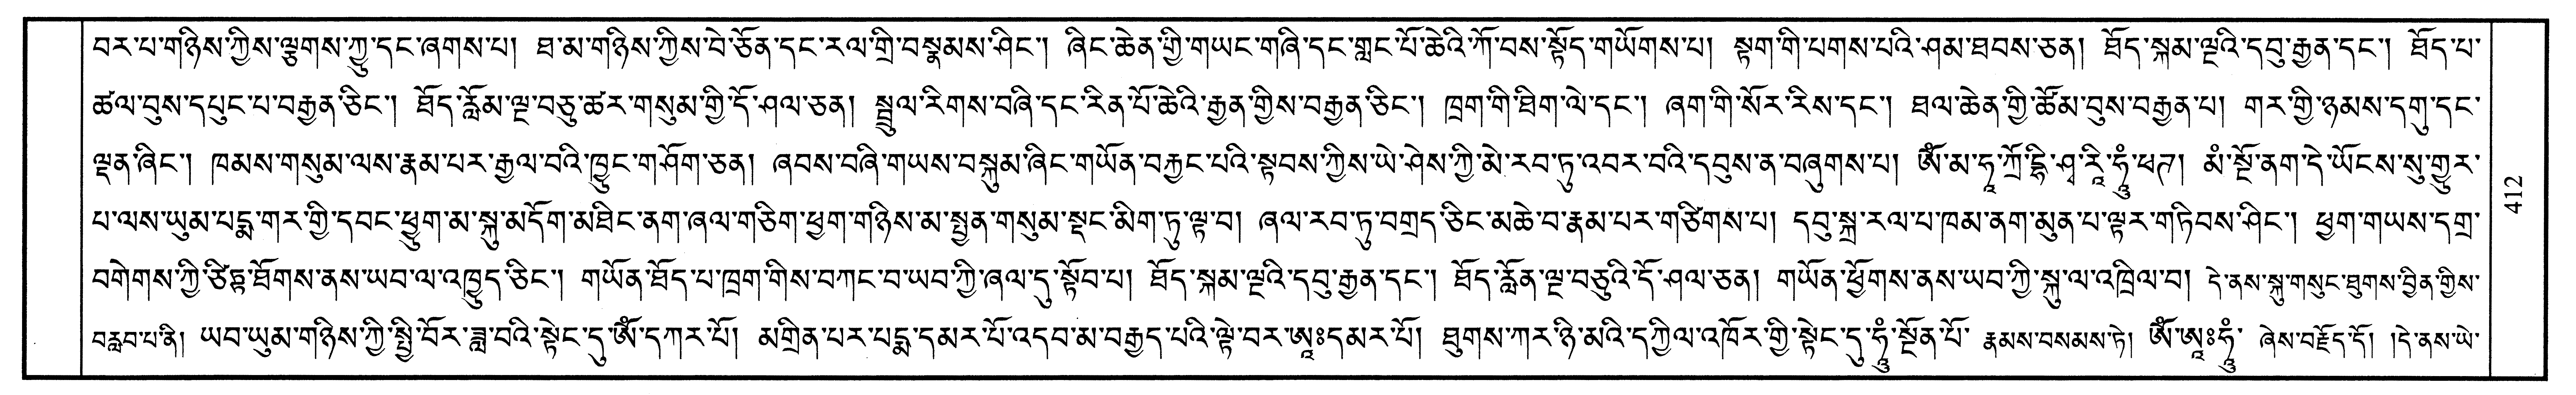བར་པ་གཉིས་ཀྱིས་ལྕགས་ཀྱུ་དང་ཞགས་པ། ཐ་མ་གཉིས་ཀྱིས་བེ་ཅོན་དང་རལ་གྲི་བསྣམས་ཤིང་། ཞིང་ཆེན་གྱི་གཡང་གཞི་དང་གླང་པོ་ཆེའི་ཀོ་བས་སྟོད་གཡོགས་པ། སྟག་གི་པགས་པའི་ཤམ་ཐབས་ཅན། ཐོད་སྐམ་ལྔའི་དབུ་རྒྱན་དང་། ཐོད་པ་
ཚལ་བུས་དཔུང་པ་བརྒྱན་ཅིང་། ཐོད་རློམ་ལྔ་བཅུ་ཚར་གསུམ་གྱི་དོ་ཤལ་ཅན། སྦྲུལ་རིགས་བཞི་དང་རིན་པོ་ཆེའི་རྒྱན་གྱིས་བརྒྱན་ཅིང་། ཁྲག་གི་ཐིག་ལེ་དང་། ཞག་གི་སོར་རིས་དང་། ཐལ་ཆེན་གྱི་ཚོམ་བུས་བརྒྱན་པ། གར་གྱི་ཉམས་དགུ་དང་
ལྡན་ཞིང་། ཁམས་གསུམ་ལས་རྣམ་པར་རྒྱལ་བའི་ཁྱུང་གཤོག་ཅན། ཞབས་བཞི་གཡས་བསྐུམ་ཞིང་གཡོན་བརྐྱང་པའི་སྟབས་ཀྱིས་ཡེ་ཤེས་ཀྱི་མེ་རབ་ཏུ་འབར་བའི་དབུས་ན་བཞུགས་པ། ཨོཾ་མ་ཧཱ་ཀྲོ་དྷི་ཤྭ་རཱི་ཧཱུཾ་ཕཊ། མཾ་སྔོ་ནག་དེ་ཡོངས་སུ་གྱུར་
པ་ལས་ཡུམ་པདམ་གར་གྱི་དབང་ཕྱུག་མ་སྐུ་མདོག་མཐིང་ནག་ཞལ་གཅིག་ཕྱག་གཉིས་མ་སྤྱན་གསུམ་སྡང་མིག་ཏུ་ལྟ་བ། ཞལ་རབ་ཏུ་བགྲད་ཅིང་མཆེ་བ་རྣམ་པར་གཙིགས་པ། དབུ་སྐྲ་རལ་པ་ཁམ་ནག་མུན་པ་ལྟར་གཏིབས་ཤིང་། ཕྱག་གཡས་དགྲ་
བགེགས་ཀྱི་ཙིཏྟ་ཐོགས་ནས་ཡབ་ལ་འཁྱུད་ཅིང་། གཡོན་ཐོད་པ་ཁྲག་གིས་བཀང་བ་ཡབ་ཀྱི་ཞལ་དུ་སྟོབ་པ། ཐོད་སྐམ་ལྔའི་དབུ་རྒྱན་དང་། ཐོད་རློན་ལྔ་བཅུའི་དོ་ཤལ་ཅན། གཡོན་ཕྱོགས་ནས་ཡབ་ཀྱི་སྐུ་ལ་འཁྲིལ་བ། དེ་ནས་སྐུ་གསུང་ཐུགས་བྱིན་གྱིས་
བརླབ་པ་ནི། ཡབ་ཡུམ་གཉིས་ཀྱི་སྤྱི་བོར་ཟླ་བའི་སྟེང་དུ་ཨོཾ་དཀར་པོ། མགྲིན་པར་པདམ་དམར་པོ་འདབ་མ་བརྒྱད་པའི་ལྟེ་བར་ཨཱཿ དམར་པོ། ཐུགས་ཀར་ཉི་མའི་དཀྱིལ་འཁོར་གྱི་སྟེང་དུ་ཧཱུཾ་སྔོན་པོ་རྣམས་བསམས་ཏེ། ཨོཾ་ཨཱཿ ཧཱུཾ་ཞེས་བརྗོད་དོ། །དེ་ནས་ཡེ་